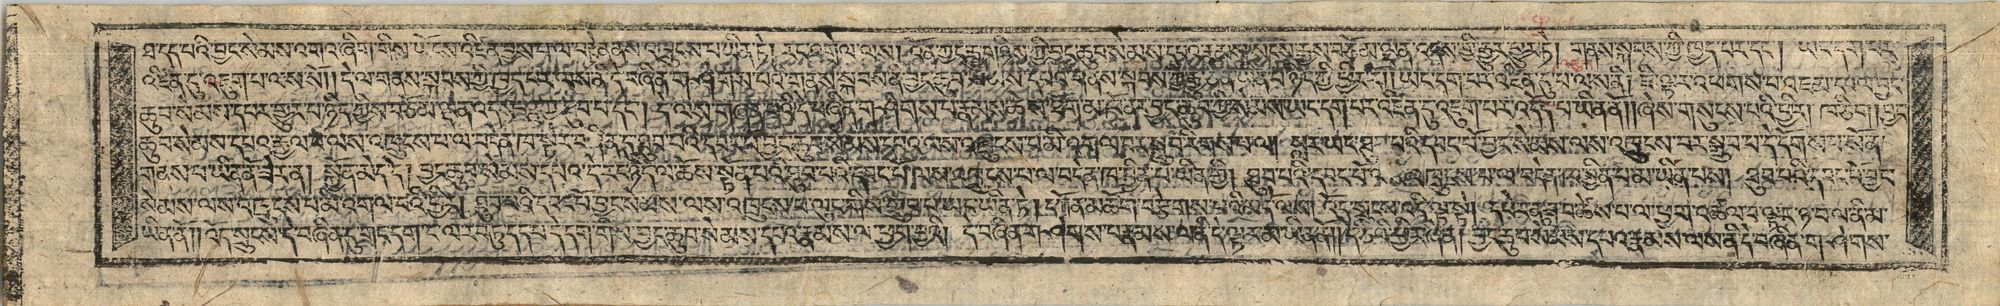ཐ་དད་པའི་བྱང་སེམས་འགའ་ཞིག་གིས་ཡོངས་འཛིན་བྱས་པ་ལ་བརྟེན་ནས་འཁྲུངས་པ་ཡིན་ཏེ། རང་འགྲེལ་ལས། འོན་ཀྱང་རྒྱུ་གཉིས་ཀྱི་བྱང་ཆུབ་སེམས་དཔའ་རྣམས་སངས་རྒྱས་བཅོམ་ལྡན་འདས་གྱི་རྒྱུར་གྱུར་ཏེ། འཛིན་དུ་འཇུག་པ་ལས་གནས་སྐབས་ཀྱི་ཁྱད་པར་དང་། ཡང་དག་པར་
འཛིན་དུ་འཇུག་པ་ལས་སོ། །དེ་ལ་གནས་སྐབས་ཀྱི་ཁྱད་པར་ལས་ནི་དེ་བཞིན་གཤེགས་པའི་གནས་སྐབས་ནི་བྱང་ཆུབ་སེམས་དཔའི་གནས་སྐབས་ཀྱི་རྒྱུ་ཅན་ཡིན་པ་ཉིད་ཀྱི་ཕྱིར་རོ། །ཡང་དག་པར་འཛིན་དུ་འཇུག་པ་ལས་ནི། ཇི་ལྟར་འཕགས་པ་འཇམ་དཔལ་བྱང་
ཆུབ་སེམས་དཔར་གྱུར་བ་ཉིད་ཀྱིས་བཅོམ་ལྡན་འདས་ཤཱཀྱ་ཐུབ་པ་དང་། དེ་ལས་གཞན་པའི་དེ་བཞིན་གཤེགས་པ་རྣམས་ཆེས་ཐོག་མ་ཁོ་ནར་བྱང་ཆུབ་ཀྱི་སེམས་ཡང་དག་པར་འཛིན་དུ་འཇུག་པར་འདོད་པ་ཡིན་ནོ། །ཞེས་གསུངས་པའི་ཕྱིར། ཁ་ཅིག །བྱང་
ཆུབ་སེམས་དཔའ་རྒྱལ་བ་ལས་འཁྲུངས་པ་ལ་བདེན་ཁ་སྟེར་བཞིན་དུ་ཐུབ་པའི་དབང་པོ་བྱང་ཆུབ་སེམས་དཔའ་ལས་འཁྲུངས་པ་མི་འགལ་བར་སྒྲུབ་རིགས་པ་ལ། སླར་ཡང་ཐུབ་པའི་དབང་པོ་བྱང་སེམས་ལས་འཁྲུངས་པར་སྒྲུབ་པ་དེ་དོགས་པ་སོ་ན་
གནས་པ་ཡིན་ནོ་ཟེར་ན། སྐྱོན་མེད་དེ། བྱང་ཆུབ་སེམས་དཔའ་དེ་རང་ཉིད་ལ་ཆོས་སྟོན་པའི་ཐུབ་པའི་དབང་པོ་ལས་འཁྲུངས་པ་ལ་བདེན་ཁ་བྱིན་པ་ཡིན་གྱི། ཐུབ་པའི་དབང་པོ་ལས་འཁྲུངས་པ་ལ་བདེན་ཁ་བྱིན་པ་མ་ཡིན་པས། ཐུབ་པའི་དབང་པོ་བྱང་
སེམས་ལས་འཁྲུངས་པ་མི་འགལ་བའི་ཕྱིར། ཐུབ་པའི་དབང་པོ་བྱང་སེམས་ལས་འཁྲུངས་པ་ལུང་གིས་གྲུབ་པ་ཡང་ཡིན་ཏེ། །དཀོན་མཆོག་བརྩེགས་པའི་མདོ་ལས། འོད་སྲུངས་འདི་ལྟ་སྟེ། དཔེར་ན་ཟླ་བ་ཚེས་པ་ལ་ཕྱག་འཚལ་བ་ལྟར་ཉ་བ་ལ་ནི་མ་
ཡིན་ནོ། །འོད་སྲུངས་དེ་བཞིན་དུ་གང་དག་ང་ལ་རབ་ཏུ་དད་པ་དེ་དག་གིས་བྱང་ཆུབ་སེམས་དཔའ་རྣམས་ལ་ཕྱག་བྱའི། དེ་བཞིན་གཤེགས་པ་རྣམས་ལ་ནི་དེ་ལྟར་མ་ཡིན་ནོ། །དེ་ཅིའི་ཕྱིར་ཞེ་ན། བྱང་ཆུབ་སེམས་དཔའ་རྣམས་ལས་ནི་དེ་བཞིན་གཤེགས་